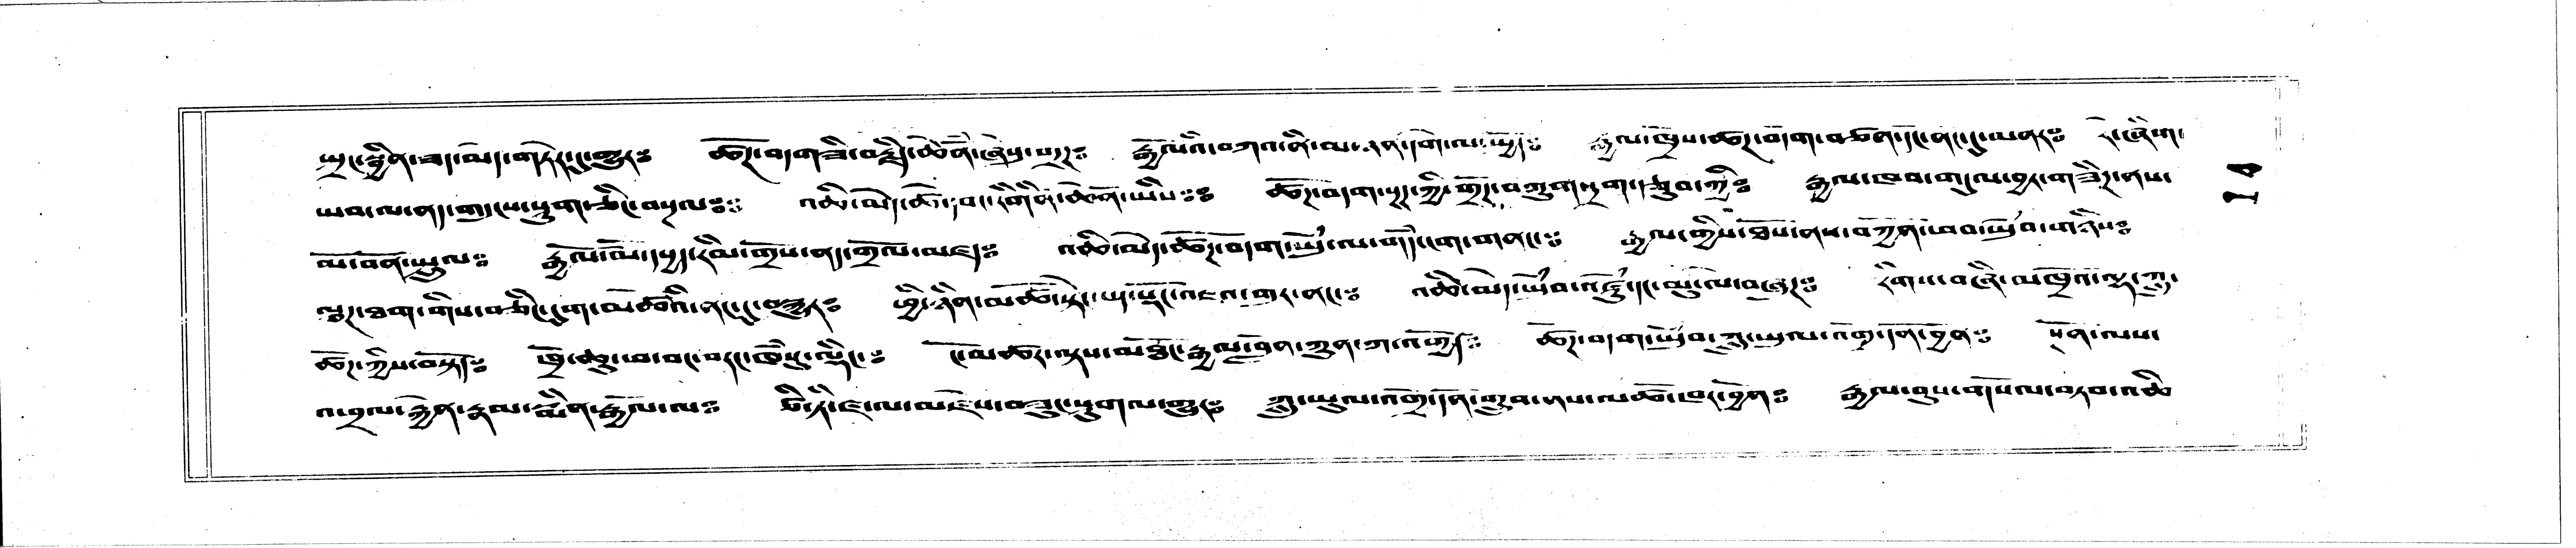སྤྲང་སྦྱིན་ཟད་མེད་གཏེར་དུ་གྱུརཿ ཚོགས་བདག་གཟི་བརྗིད་ཆེན་མོ་ཞེས་སུ་གྲགསཿ རྒྱལ་པོའི་བཀའ་ནི་མ་ཉན་དགེ་ལ་སྤྱོདཿ རྒྱལ་ཁྲོས་ཚོགས་བདག་བཙན་དོང་ནང་དུ་མནརཿ རེ་ཞིག་
ཡབ་ལ་ནད་གདུང་སྡུག་ཅིང་བསྔལཿ འཆི་མེད་ཚེ་དབང་རིག་འཛིན་ཆེན་པོ་ཡིསཿ ཚོགས་བདག་སྔགས་ཀྱི་གྲོགས་བཀུག་དྲག་རྩུབ་ཀྱིཿ རྒྱལ་ཁབ་གདུལ་བྱར་གཟིགས་ནས་
མོ་བོན་སྤྲུལཿ རྒྱལ་པོ་མོ་དཔྱད་རིམ་གྲོས་ནད་གྲོལ་མཛདཿ འཆི་མེད་ཚོགས་བདག་ཡུམ་ལ་གདམས་ངག་གནངཿ རྒྱལ་གྱིས་ཐོས་ནས་བཀྱོན་ཕབ་ཡབ་ཡུམ་གཉིསཿ 
ལྕགས་ཐག་གིས་བཅིང་དུག་མཚོའི་ནང་དུ་བསྐྱུརཿ ཕྱི་ཉིན་མཚོ་སྟེང་པད་སྡོང་འཇའ་གུར་ནངཿ འཆི་མེད་ཡབ་ཡུམ་འཛུམ་དང་མུ་ལེ་བཞུགསཿ རིགས་བཞི་མཁའ་འགྲོ་ལྷ་ཀླུ་
ཚོགས་ཀྱིས་བསྟོདཿ ཁྲོ་ཆུ་ཕ་བོང་བར་སྣང་ཁམས་སུ་ལྡིངཿ ངོ་མཚར་ལྟས་མཐོང་རྒྱལ་བློན་ཀུན་ཀ་འགྱོདཿ ཚོགས་བདག་ཡབ་ཡུམ་ཀླུ་ཡུལ་འགྲོ་དོན་བྱོནཿ སྔོན་ལས་
འཕྲལ་རྐྱེན་རྣམ་སྨིན་རྒྱལ་པོ་ལཿ ཙི་ཏི་ཛཱ་ལ་མཛེས་བཟུང་སྡུག་བསྔལ་གྱུརཿ ཀླུ་ཡུལ་འགྲོ་དོན་གྲུབ་ནས་མཚོ་ཁར་བྱོནཿ རྒྱལ་བུས་གསོལ་བཏབ་འཆི་